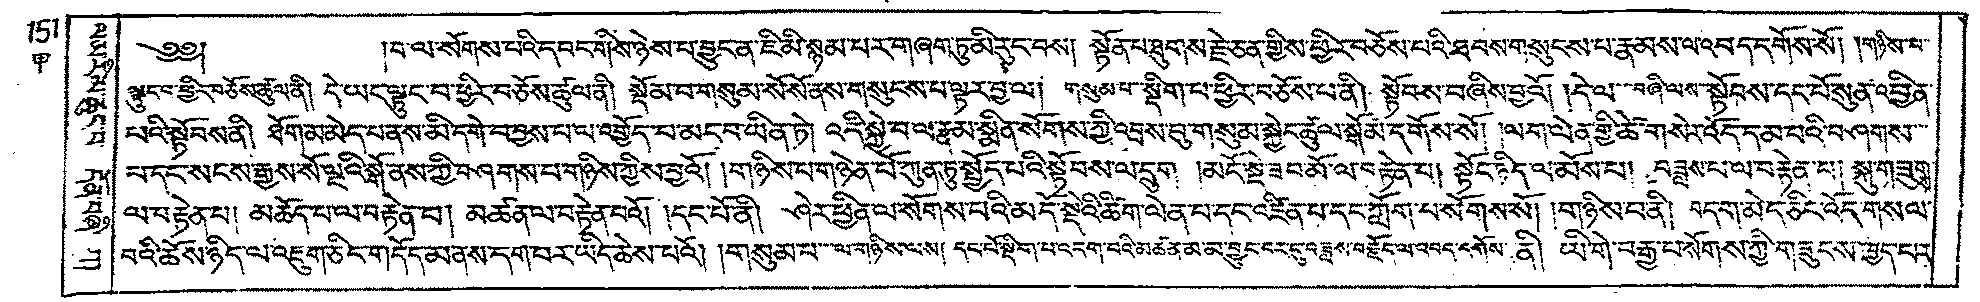༄༅། །བ་ལ་སོགས་པའི་དབང་གིས་ཉེས་པ་བྱུང་ན་ཇི་མི་སྙམ་པར་གཞག་ཏུ་མི་རུང་བས། སྟོན་པ་ཐུགས་རྗེ་ཅན་གྱིས་ཕྱིར་བཅོས་པའི་ཐབས་གསུངས་པ་རྣམས་ལ་འབད་དགོས་སོ། །གཉིས་པ་
ལྟུང་བ་ཕྱིར་བཅོས་ཚུལ་ནི། དེ་ཡང་ལྟུང་བ་ཕྱིར་བཅོས་ཚུལ་ནི། སྡོམ་པ་གསུམ་སོ་སོ་ནས་གསུངས་པ་ལྟར་བྱ་ལ། གསུམ་པ་སྡིག་པ་ཕྱིར་བཅོས་པ་ནི། སྟོབས་བཞིས་བྱའོ། །དེ་ལབཞི་ལསསྟོབས་དང་པོ་སུན་འབྱིན་
པའི་སྟོབས་ནི། ཐོག་མ་མེད་པ་ནས་མི་དགེ་བ་བྱས་པ་ལ་འགྱོད་པ་མང་བ་ཡིན་ཏེ། འདི་སྐྱེ་བ་ལ་རྣམ་སྨིན་སོགས་ཀྱི་འབྲས་བུ་གསུམ་སྐྱེད་ཚུལ་སྒོམ་དགོས་སོ། །ལག་ལེན་གྱི་ཚེ་གསེར་འོད་དམ་པའི་བཤགས་
པ་དང་སངས་རྒྱས་སོ་ལྔའི་སྒོ་ནས་ཀྱི་བཤགས་པ་གཉིས་ཀྱིས་བྱའོ། །གཉིས་པ་གཉེན་པོ་ཀུན་ཏུ་སྤྱོད་པའི་སྟོབས་ལ་དྲུག །མདོ་སྡེ་ཟབ་མོ་ལ་བརྟེན་པ། སྟོང་ཉིད་ལ་མོས་པ། བཟླས་པ་ལ་བརྟེན་པ། སྐུ་གཟུགས་
ལ་བརྟེན་པ། མཆོད་པ་ལ་བརྟེན་པ། མཚན་ལ་བརྟེན་པའོ། །དང་པོ་ནི། ཤེར་ཕྱིན་ལ་སོགས་པའི་མདོ་སྡེའི་ཚིག་ལེན་པ་དང་འཛིན་པ་དང་ཀློག་པ་སོགས་སོ། །གཉིས་པ་ནི། བདག་མེད་ཅིང་འོད་གསལ་
བའི་ཆོས་ཉིད་ལ་འཇུག་ཅིང་གདོད་མ་ནས་དག་པར་ཡིད་ཆེས་པའོ། །གསུམ་པ་ལ་གཉིས་ལས། དང་པོ་སྡིག་པའི་མཚན་མ་མ་བྱུང་བར་དུ་བཟླས་བརྗོད་ལ་འབད་དགོས་ནི། ཡི་གེ་བརྒྱ་པ་སོགས་ཀྱི་གཟུངས་ཁྱད་པར་